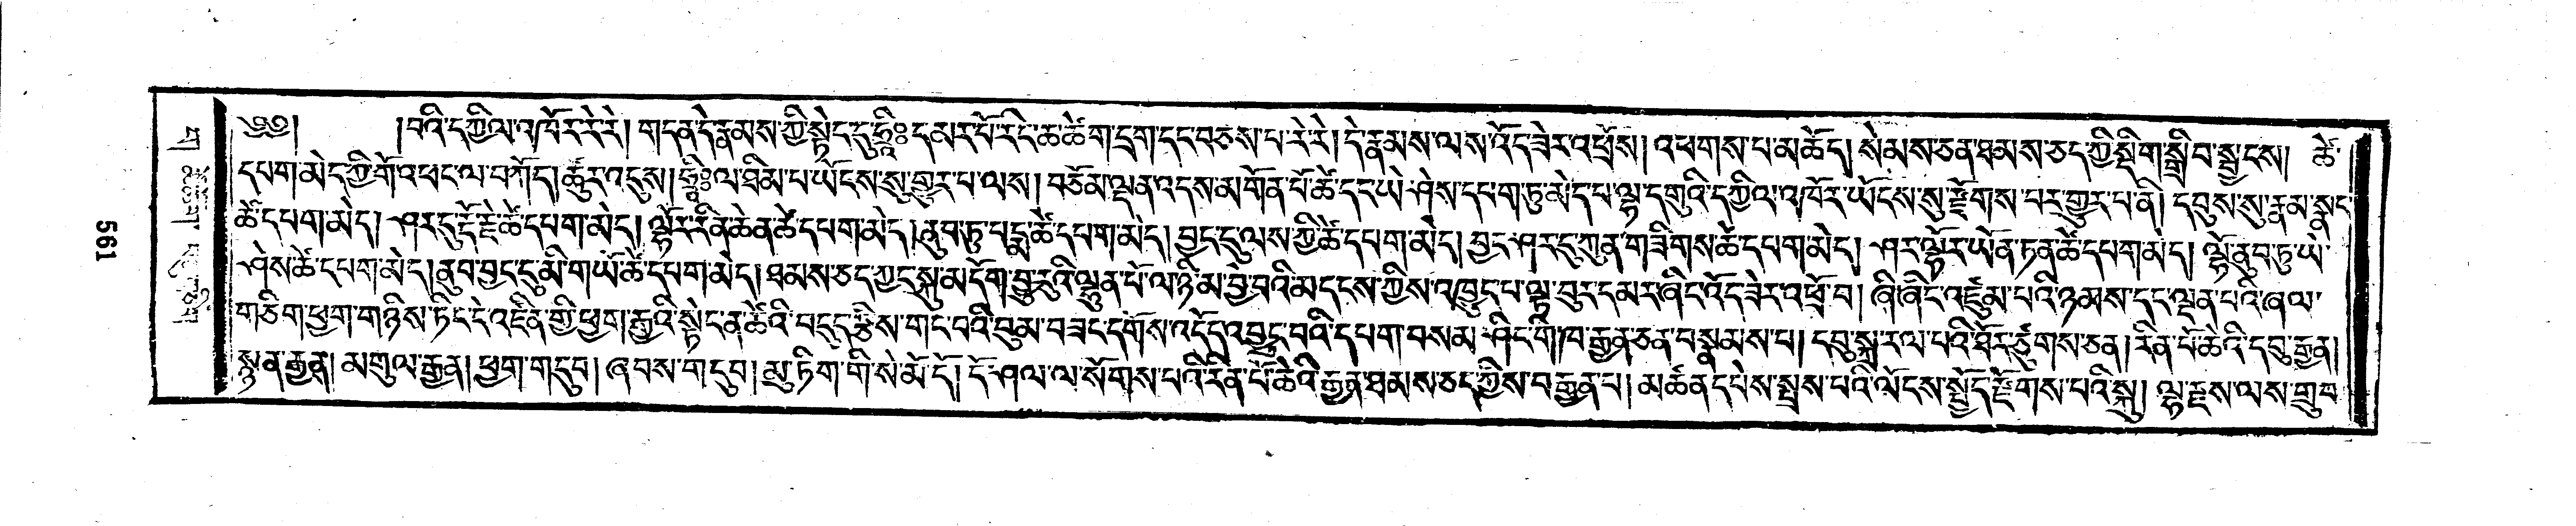༄༅། །བའི་དཀྱིལ་འཁོར་རེ་རེ། གདན་དེ་རྣམས་ཀྱི་སྟེང་དུ་ཧྲཱིཿ དམར་པོ་རིང་ཆ་ཚེག་དྲག་དང་བཅས་པ་རེ་རེ། དེ་རྣམས་ལས་འོད་ཟེར་འཕྲོས། འཕགས་པ་མཆོད། སེམས་ཅན་ཐམས་ཅད་ཀྱི་སྡིག་སྒྲིབ་སྦྱངས། ཚེ་
དཔག་མེད་ཀྱི་གོ་འཕང་ལ་བཀོད། ཚུར་འདུས། ཧྲཱིཿ ལ་ཐིམ་པ་ཡོངས་སུ་གྱུར་པ་ལས། བཅོམ་ལྡན་འདས་མགོན་པོ་ཚེ་དང་ཡེ་ཤེས་དཔག་ཏུ་མེད་པ་ལྷ་དགུའི་དཀྱིལ་འཁོར་ཡོངས་སུ་རྫོགས་པར་གྱུར་པ་ནི། དབུས་སུ་རྣམ་སྣང་
ཚེ་དཔག་མེད། ཤར་དུ་རྡོ་རྗེ་ཚེ་དཔག་མེད། ལྷོར་རིན་ཆེན་ཚེ་དཔག་མེད། ནུབ་ཏུ་པདམ་ཚེ་དཔག་མེད། བྱང་དུ་ལས་ཀྱི་ཚེ་དཔག་མེད། བྱང་ཤར་དུ་ཀུན་གཟིགས་ཚེ་དཔག་མེད། ཤར་ལྷོར་ཡོན་ཏན་ཚེ་དཔག་མེད། ལྷོ་ནུབ་ཏུ་ཡེ་
ཤེས་ཚེ་དཔག་མེད། ནུབ་བྱང་དུ་མི་གཡོ་ཚེ་དཔག་མེད། ཐམས་ཅད་ཀྱང་སྐུ་མདོག་བྱུ་རུའི་ལྷུན་པོ་ལ་ཉི་མ་བྱེ་བའི་མདངས་ཀྱིས་འཁྱུད་པ་ལྟ་བུར་དམར་ཞིང་འོད་ཟེར་འཕྲོ་བ། ཞི་ཞིང་འཛུམ་པའི་ཉམས་དང་ལྡན་པའི་ཞལ་
གཅིག་ཕྱག་གཉིས་ཏིང་ངེ་འཛིན་གྱི་ཕྱག་རྒྱའི་སྟེང་ན་ཚེའི་བདུད་རྩིས་གང་བའི་བུམ་བཟང་དགོས་འདོད་འབྱུང་བའི་དཔག་བསམ་ཤིང་གི་ཁ་རྒྱན་ཅན་བསྣམས་པ། དབུ་སྐྲ་རལ་པའི་ཐོར་ཙུགས་ཅན། རིན་པོ་ཆེའི་དབུ་རྒྱན།
སྙན་རྒྱན། མགུལ་རྒྱན། ཕྱག་གདུབ། ཞབས་གདུབ། མུ་ཏིག་གི་སེ་མོ་དོ། དོ་ཤལ་ལ་སོགས་པའི་རིན་པོ་ཆེའི་རྒྱན་ཐམས་ཅད་ཀྱིས་བརྒྱན་པ། མཚན་དཔེས་སྤྲས་པའི་ལོངས་སྤྱོད་རྫོགས་པའི་སྐུ། ལྷ་རྫས་ལས་གྲུབ་